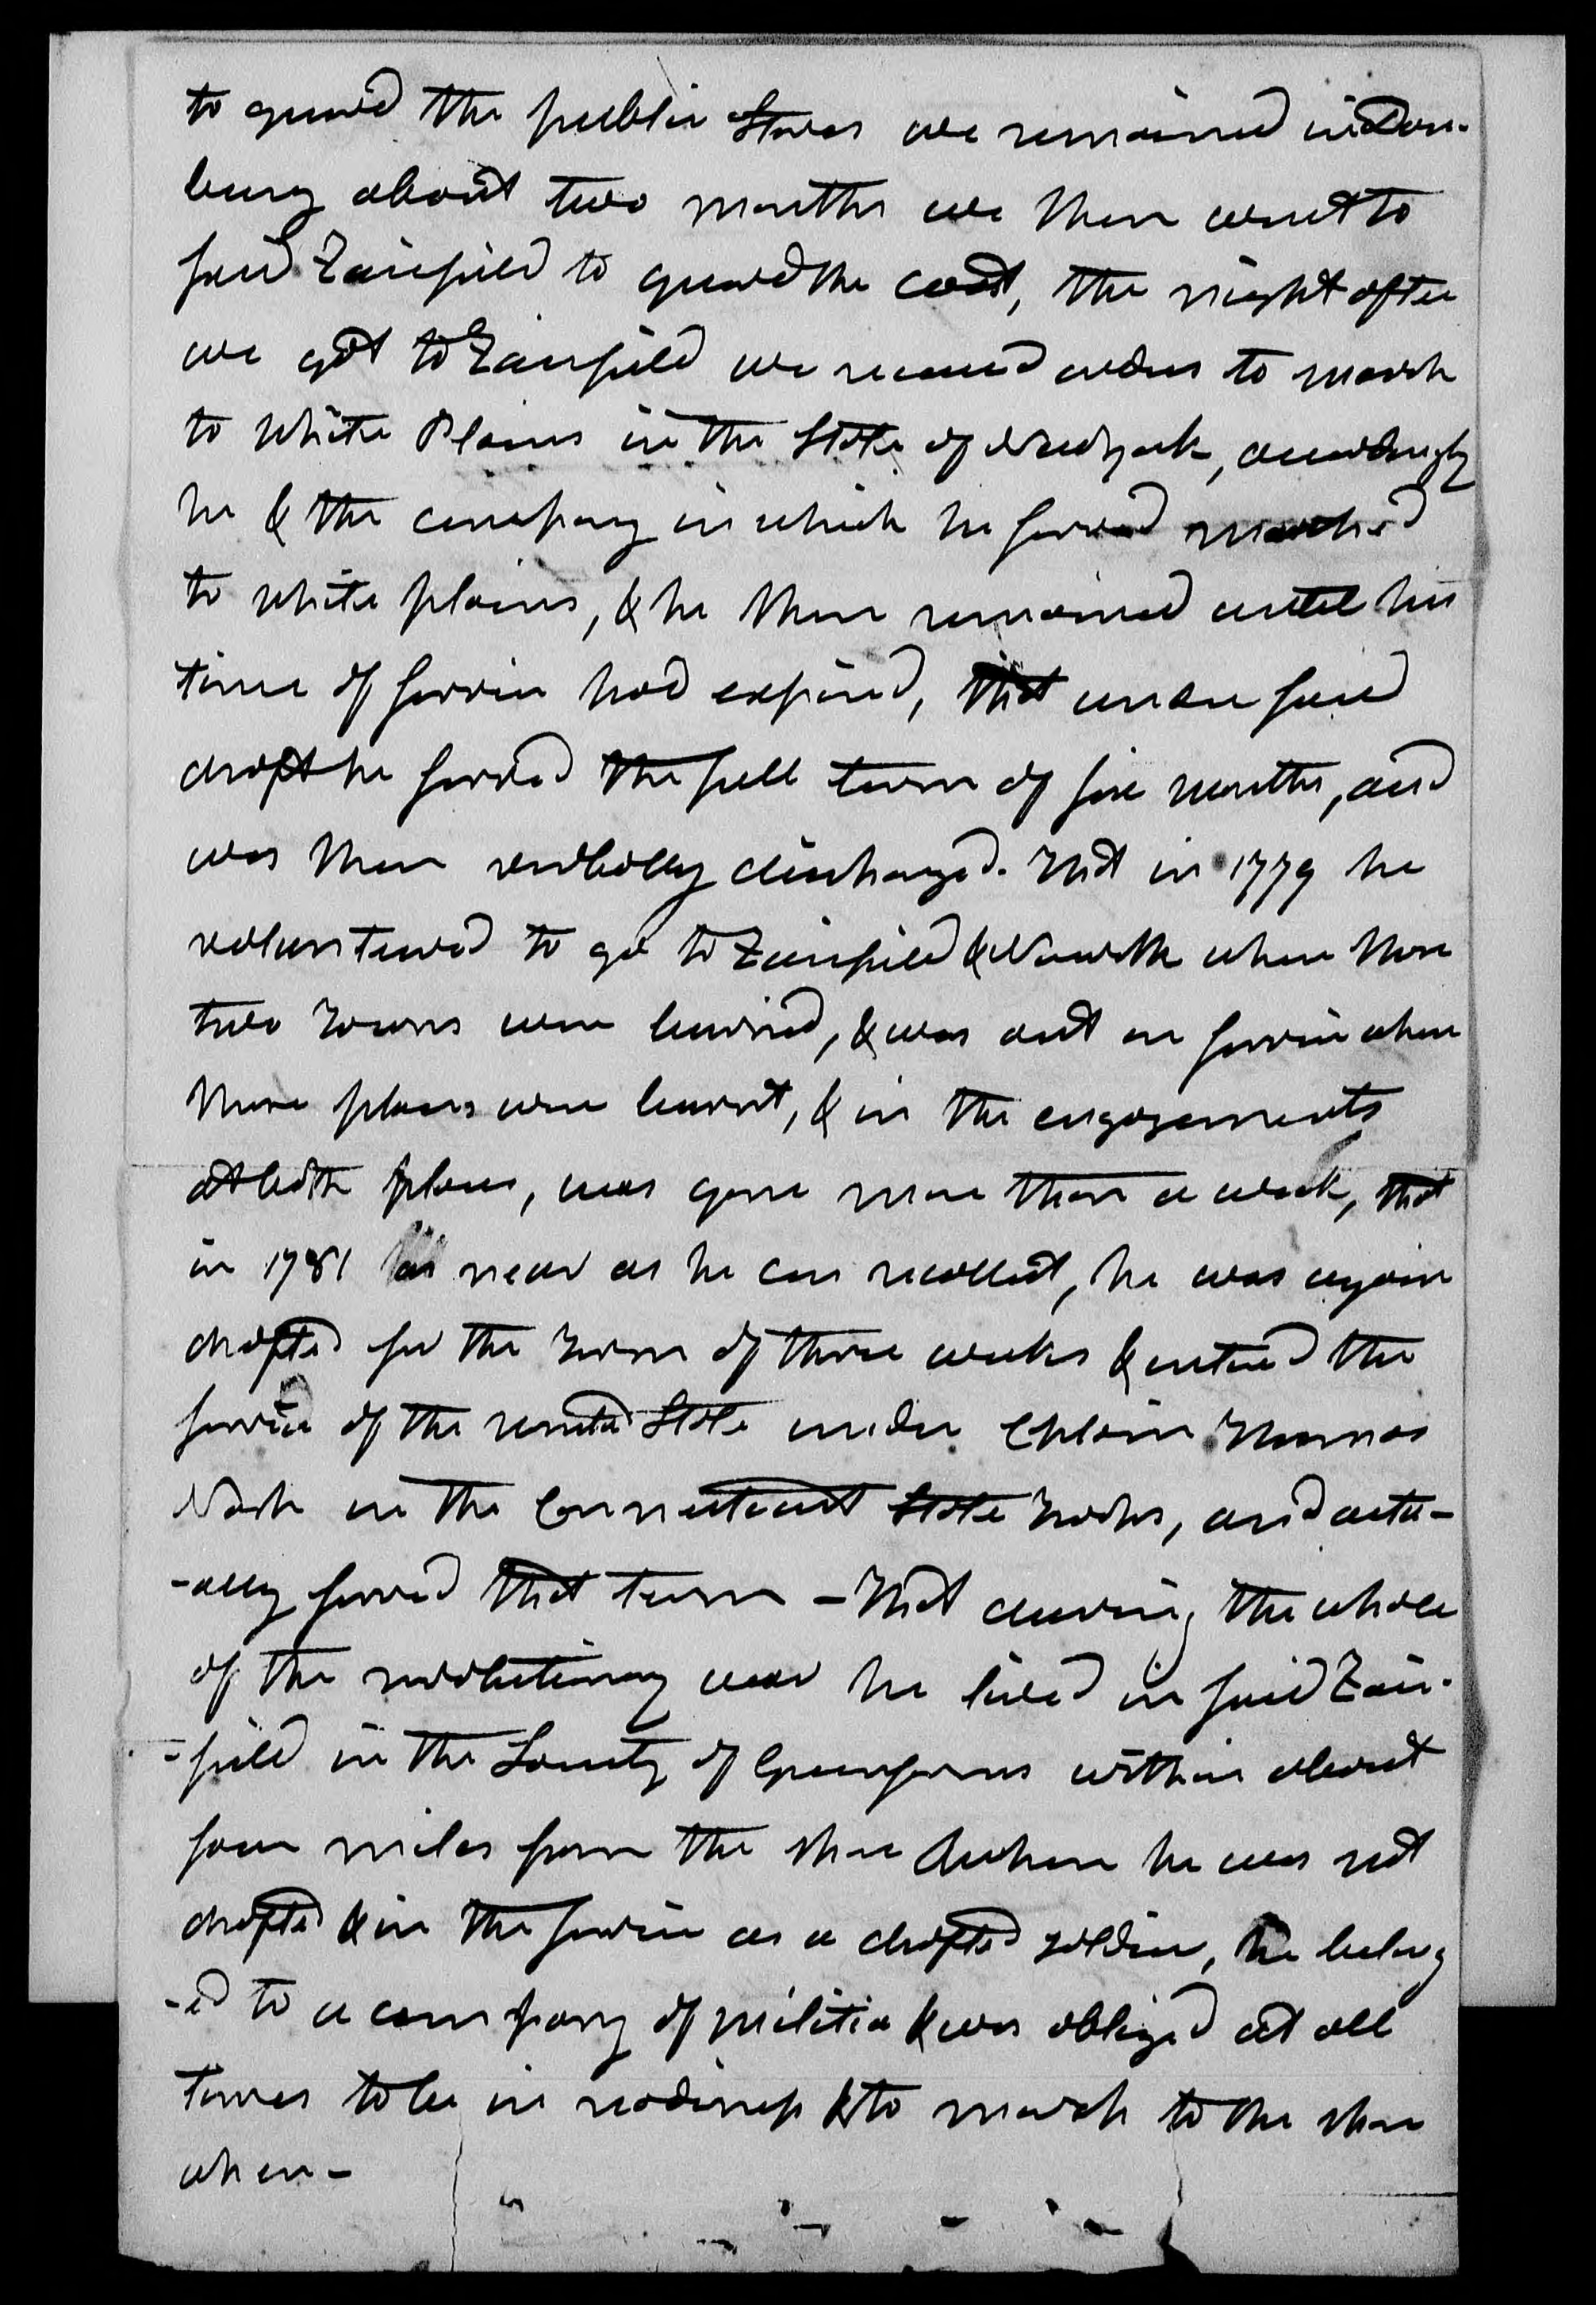to guard the public stores we remained in Danbury about to months we then went to said Fairfield to guard the coast, the night after we got to Fairfield we received orders to march to White Plains in the State of New York, accordingly me & the company in which we served marched to White Plains, and we there remained until the time of service had expired, that undersaid depst he served the full term of five months, and was then [illegible] discharged.  That in 1779 he volunteered to go to Fairfield & Norwalk when the two towns were burned, & was out on service when White Plains was burnt, & in the engagements at both places, was gone more than a week, that in 1781 as near as he can recollect, he was again drafted for the term of three weeks & entered the service of the United States under Cptain [sic] Thomas Nash in the Connecticut State Troops, and actually served that term - That during the whole of the revolutionary war he lived in said Fairfield in the  County [?] of Greenfarm within about four miles from the War  Awhen [sic] he was not drafted & in the service as a drafted soldier, he belonged to a company of Militia  & was  obliged at all times to be in readiness & to march to the War when -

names: Thomas Nash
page: 4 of 22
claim: survivor's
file: S. 15,517, for Joseph Meeker, Connecticut